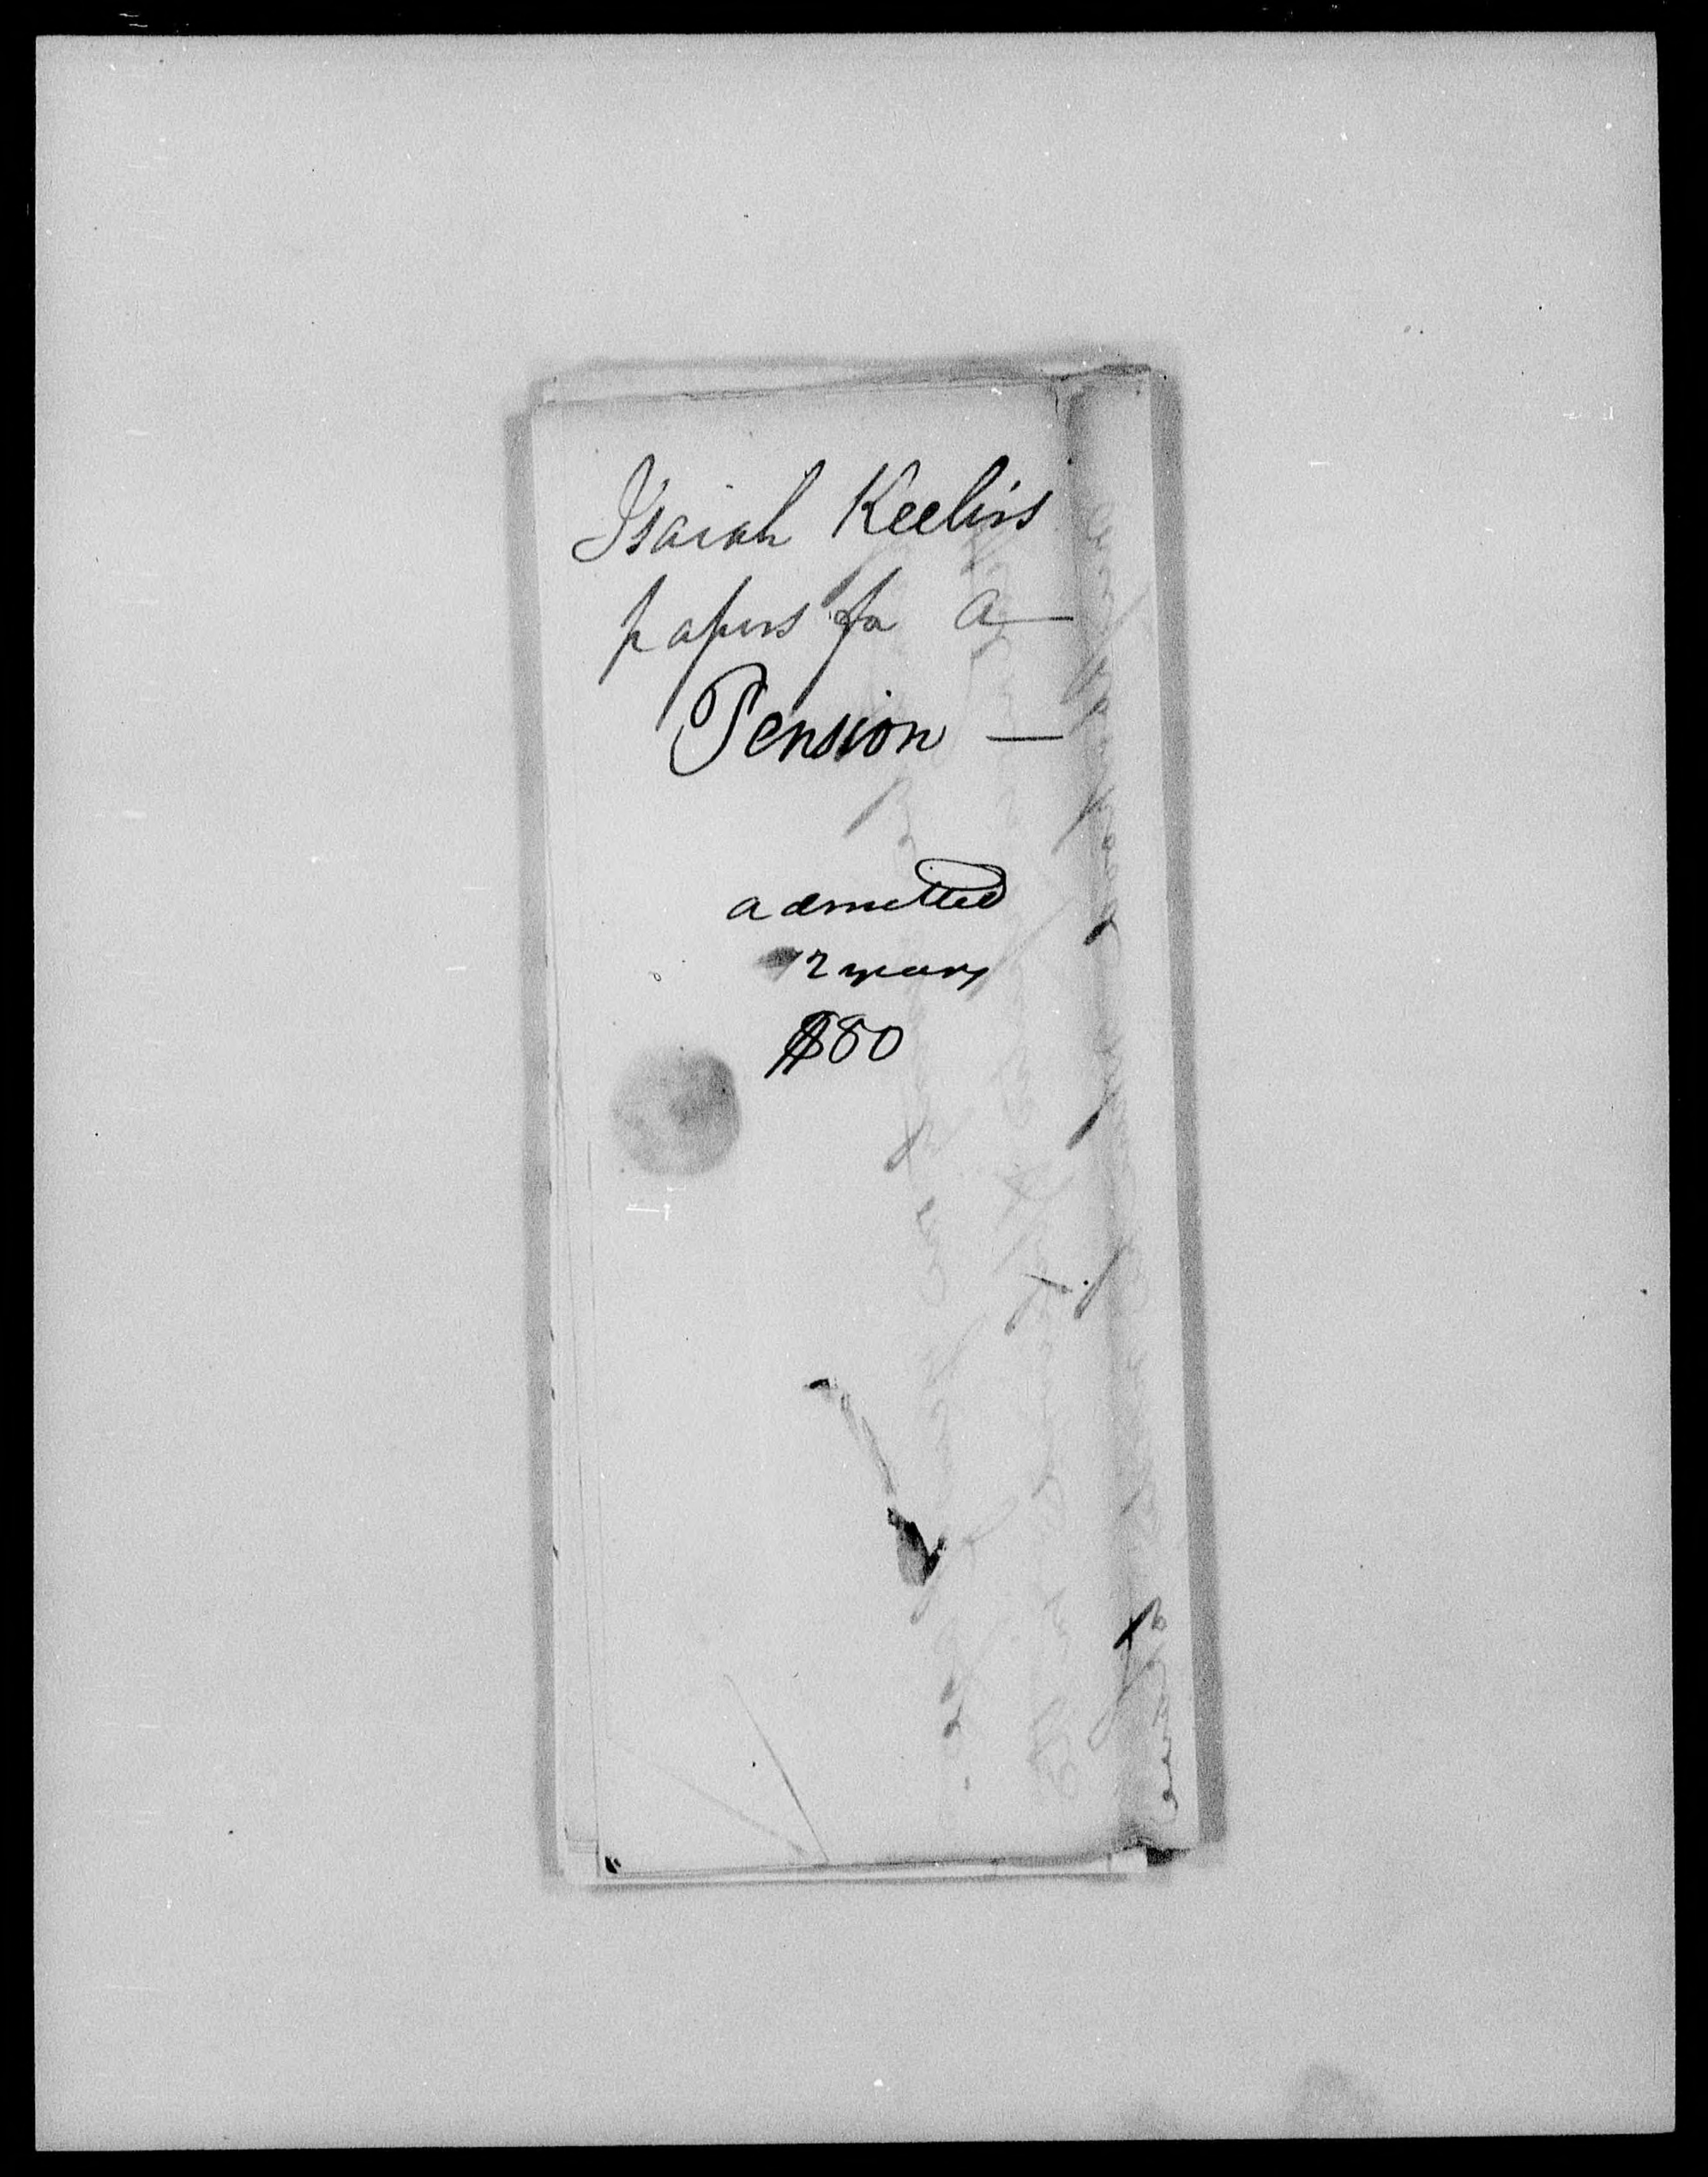Isaiah Keeler's papers for a Pension 
admitted 
2 years 
$80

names: Isaiah Keeler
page: 6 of 26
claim: survivor's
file: S. 13,625, for Isaiah Keeler, New York